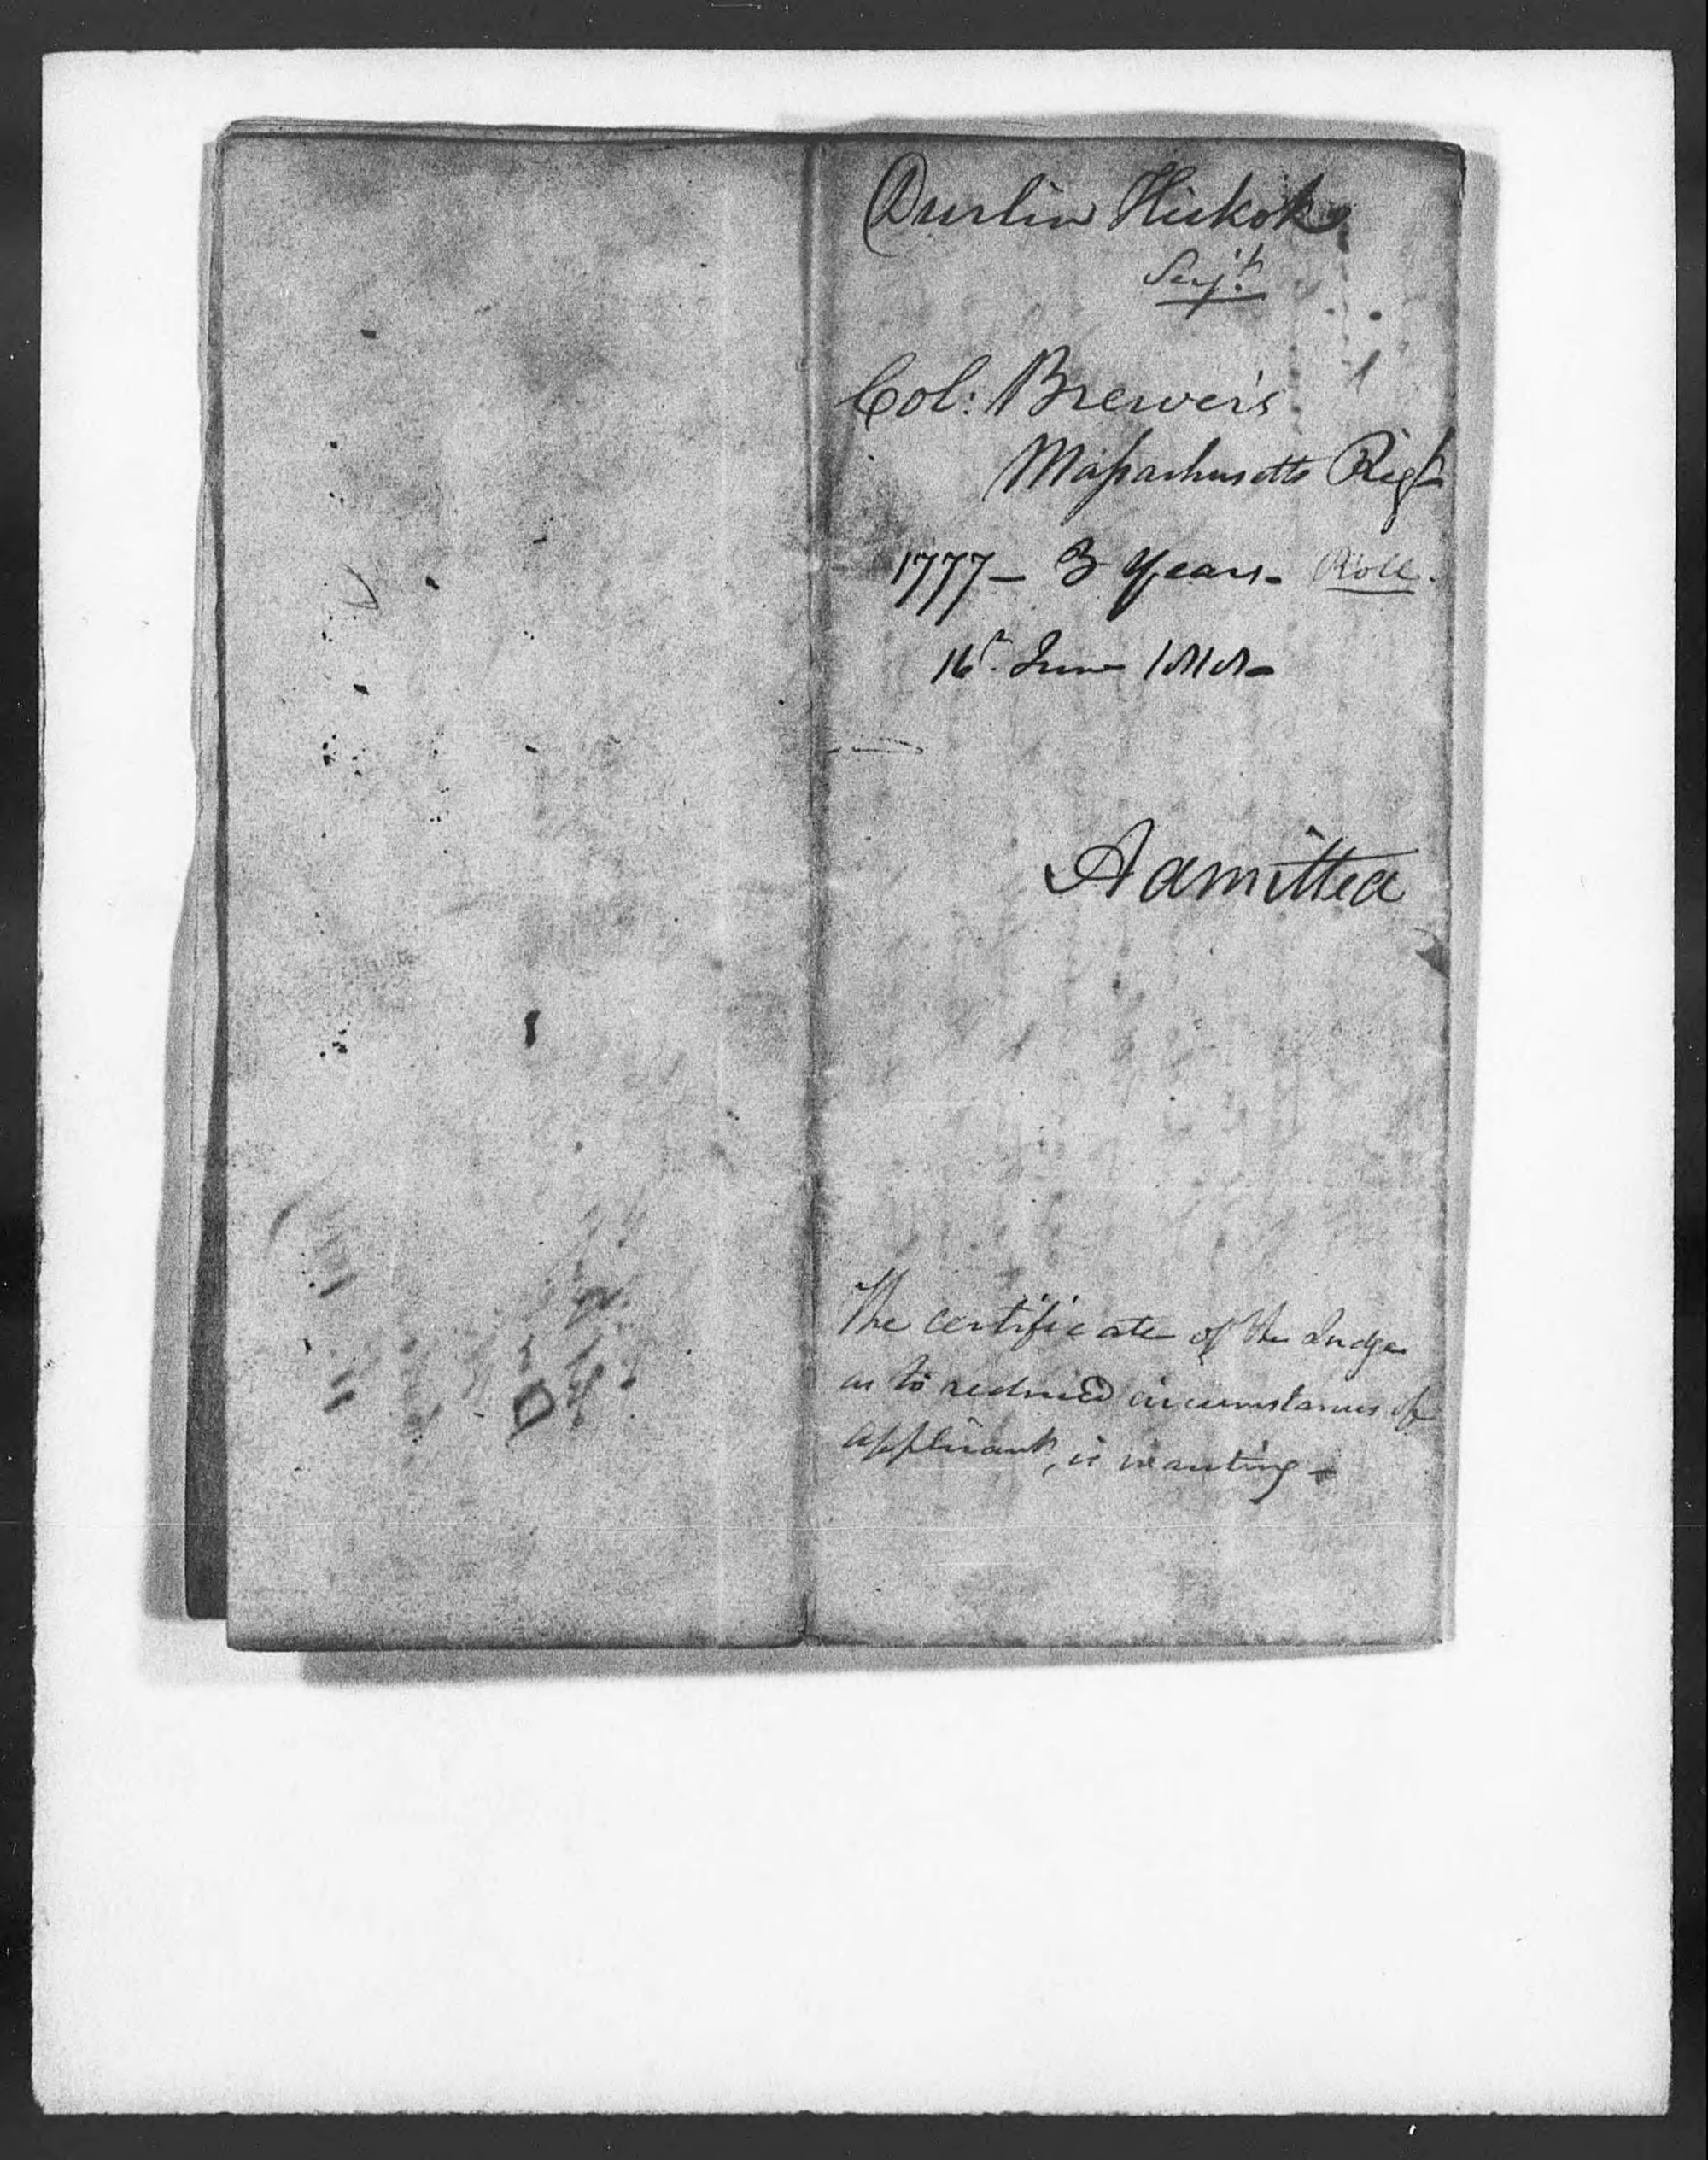Durlin Hickok
Sergt

Col Brewer's
Massachusetts Regmt

1777 - 3 years.  Roll.

16th June 1818

Admitted

The certificate of the Judge
as to reduced circumstances of
applicant is wanting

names: Durlin Hickok, Brewer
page: 31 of 45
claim: widow's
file: W. 4988, Durlin Hickok, Mass.